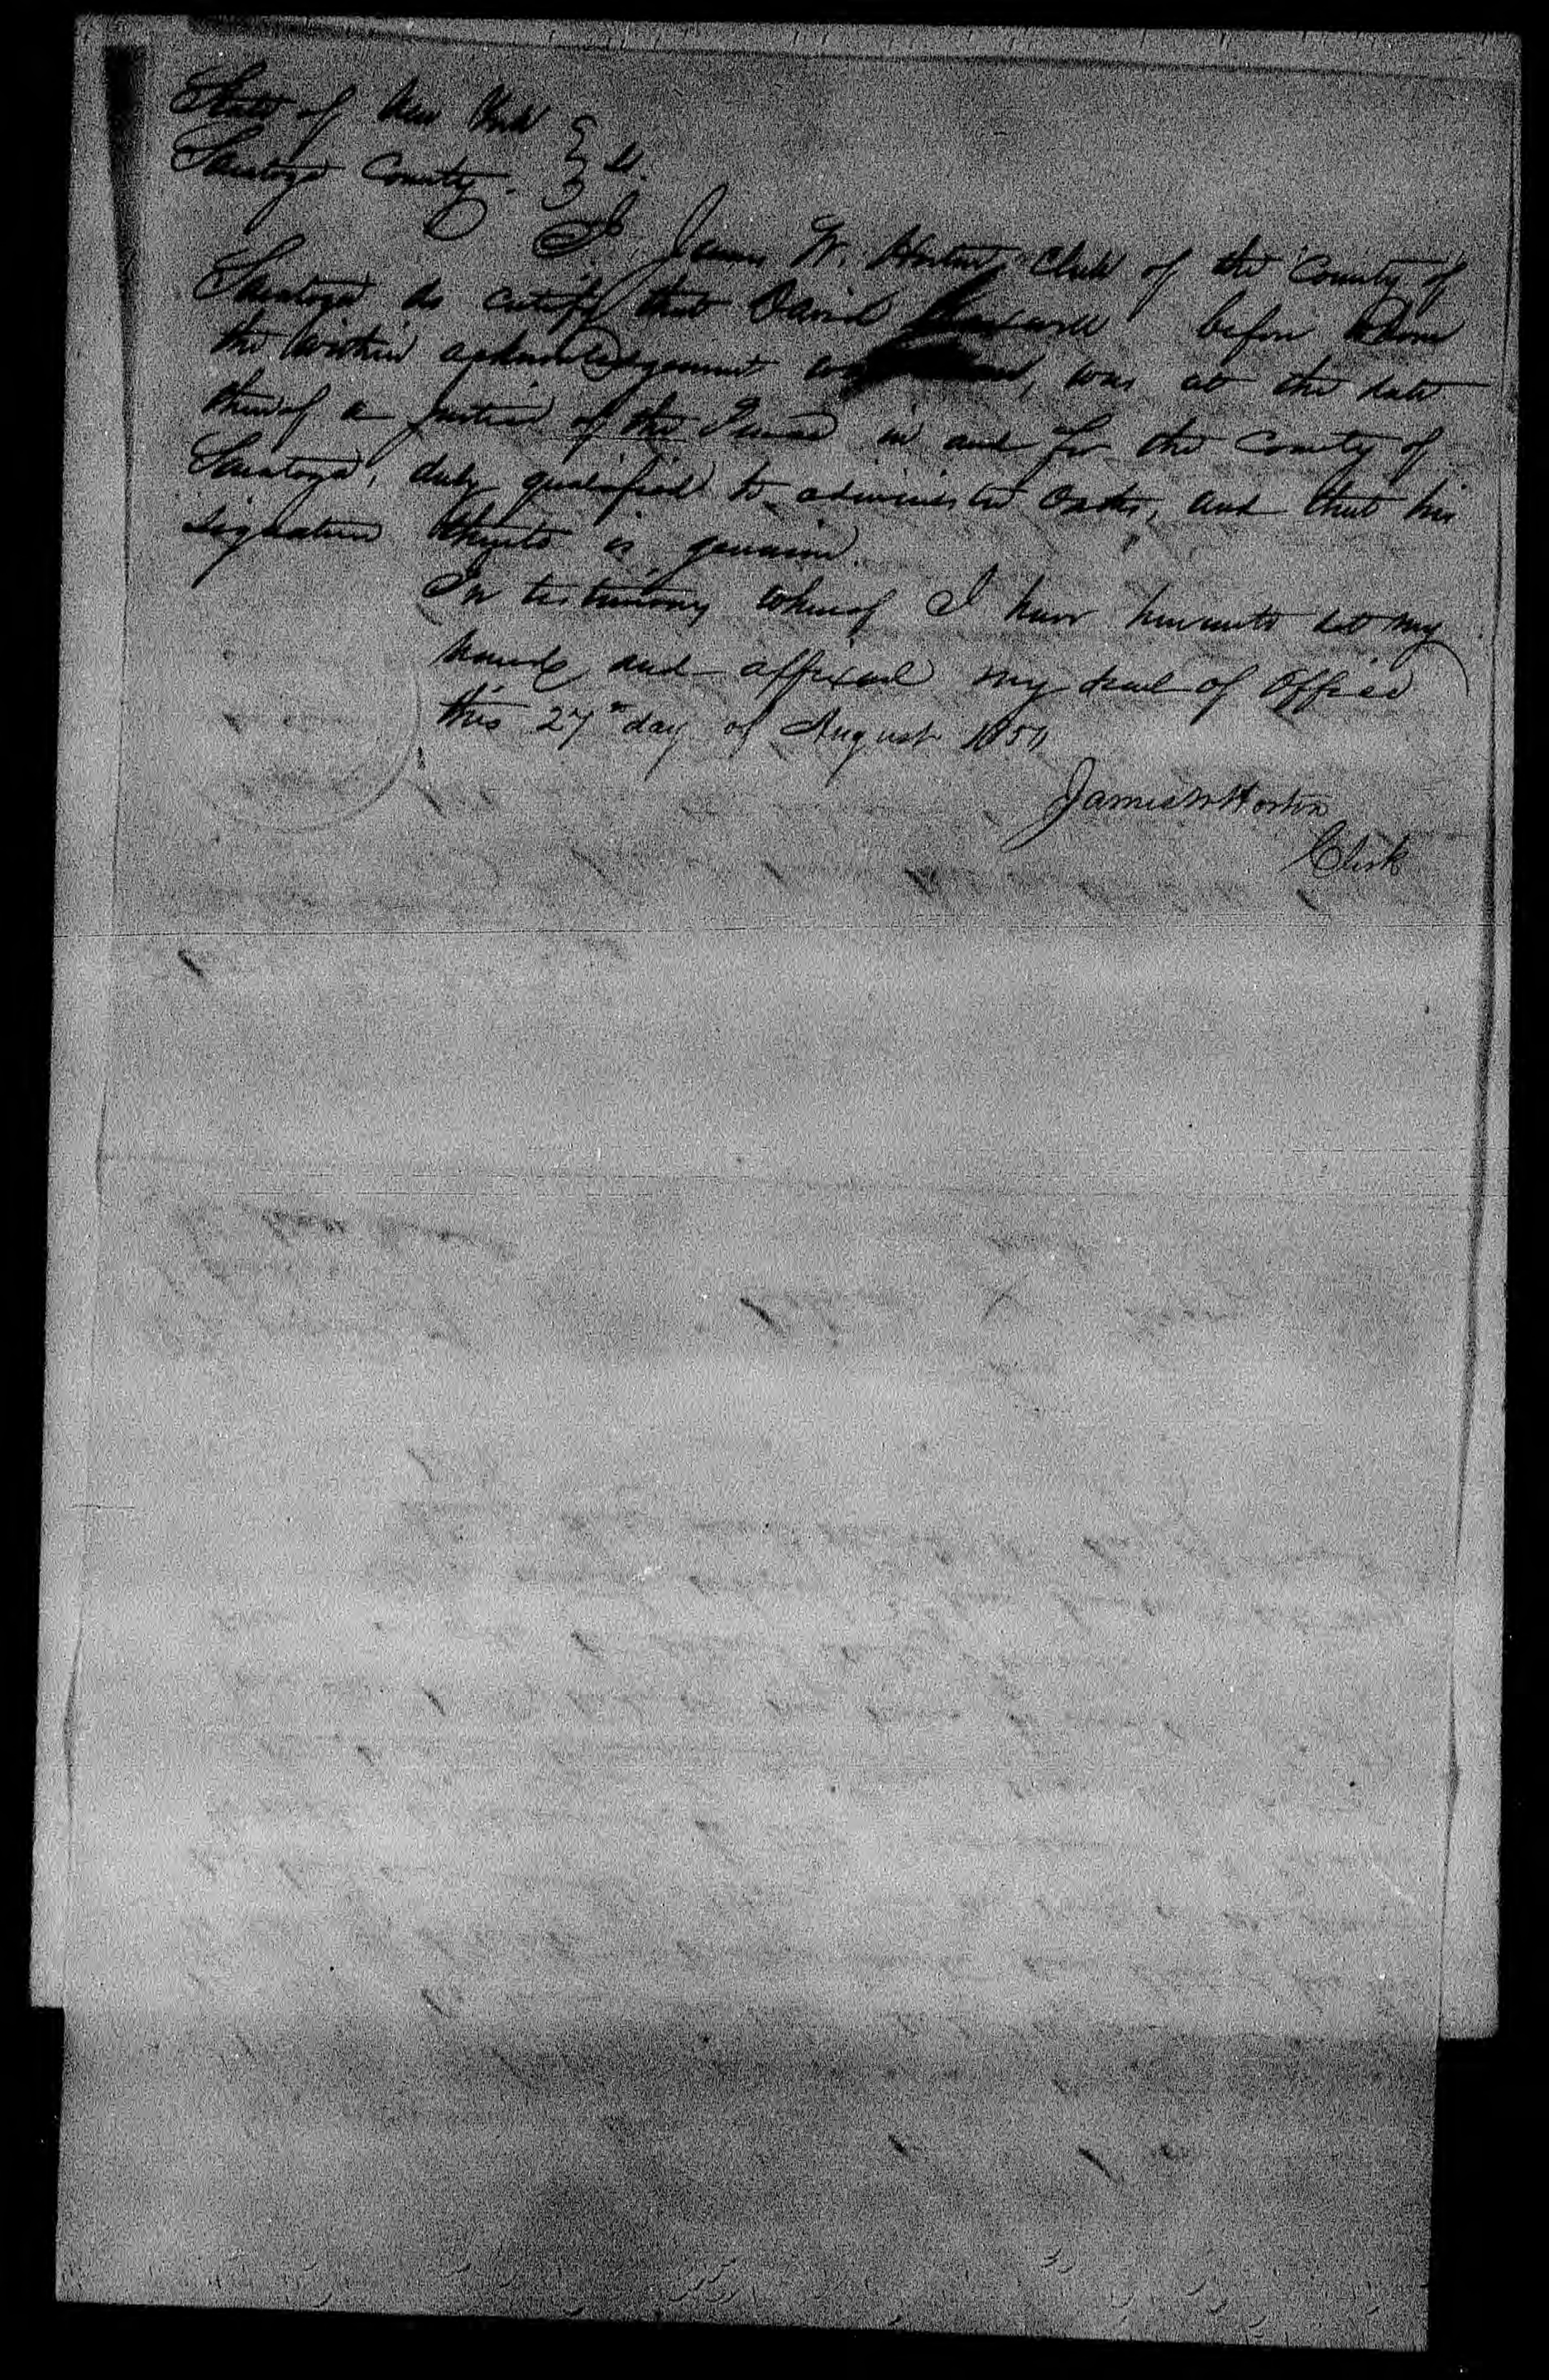State of New York
Saratoga County}Ss.
I, James W. Horton, Clerk of the County of Saratoga do certify that David Maxwell before whom the within acknowledgement was [illegible] was at the date thereof a Justice of the Peace in and for the County of Saratoga, duly qualified to administer oaths and that this signature thereto is genuine.
In testimony whereof I have hereunto set my hand and affixed my seal of office this 27th day of August 1850.
James W. Horton Clerk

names: James W Horton, James W Horton, David Maxwell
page: 22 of 34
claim: widow's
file: W. 1596, Joseph Gregory, Conn.